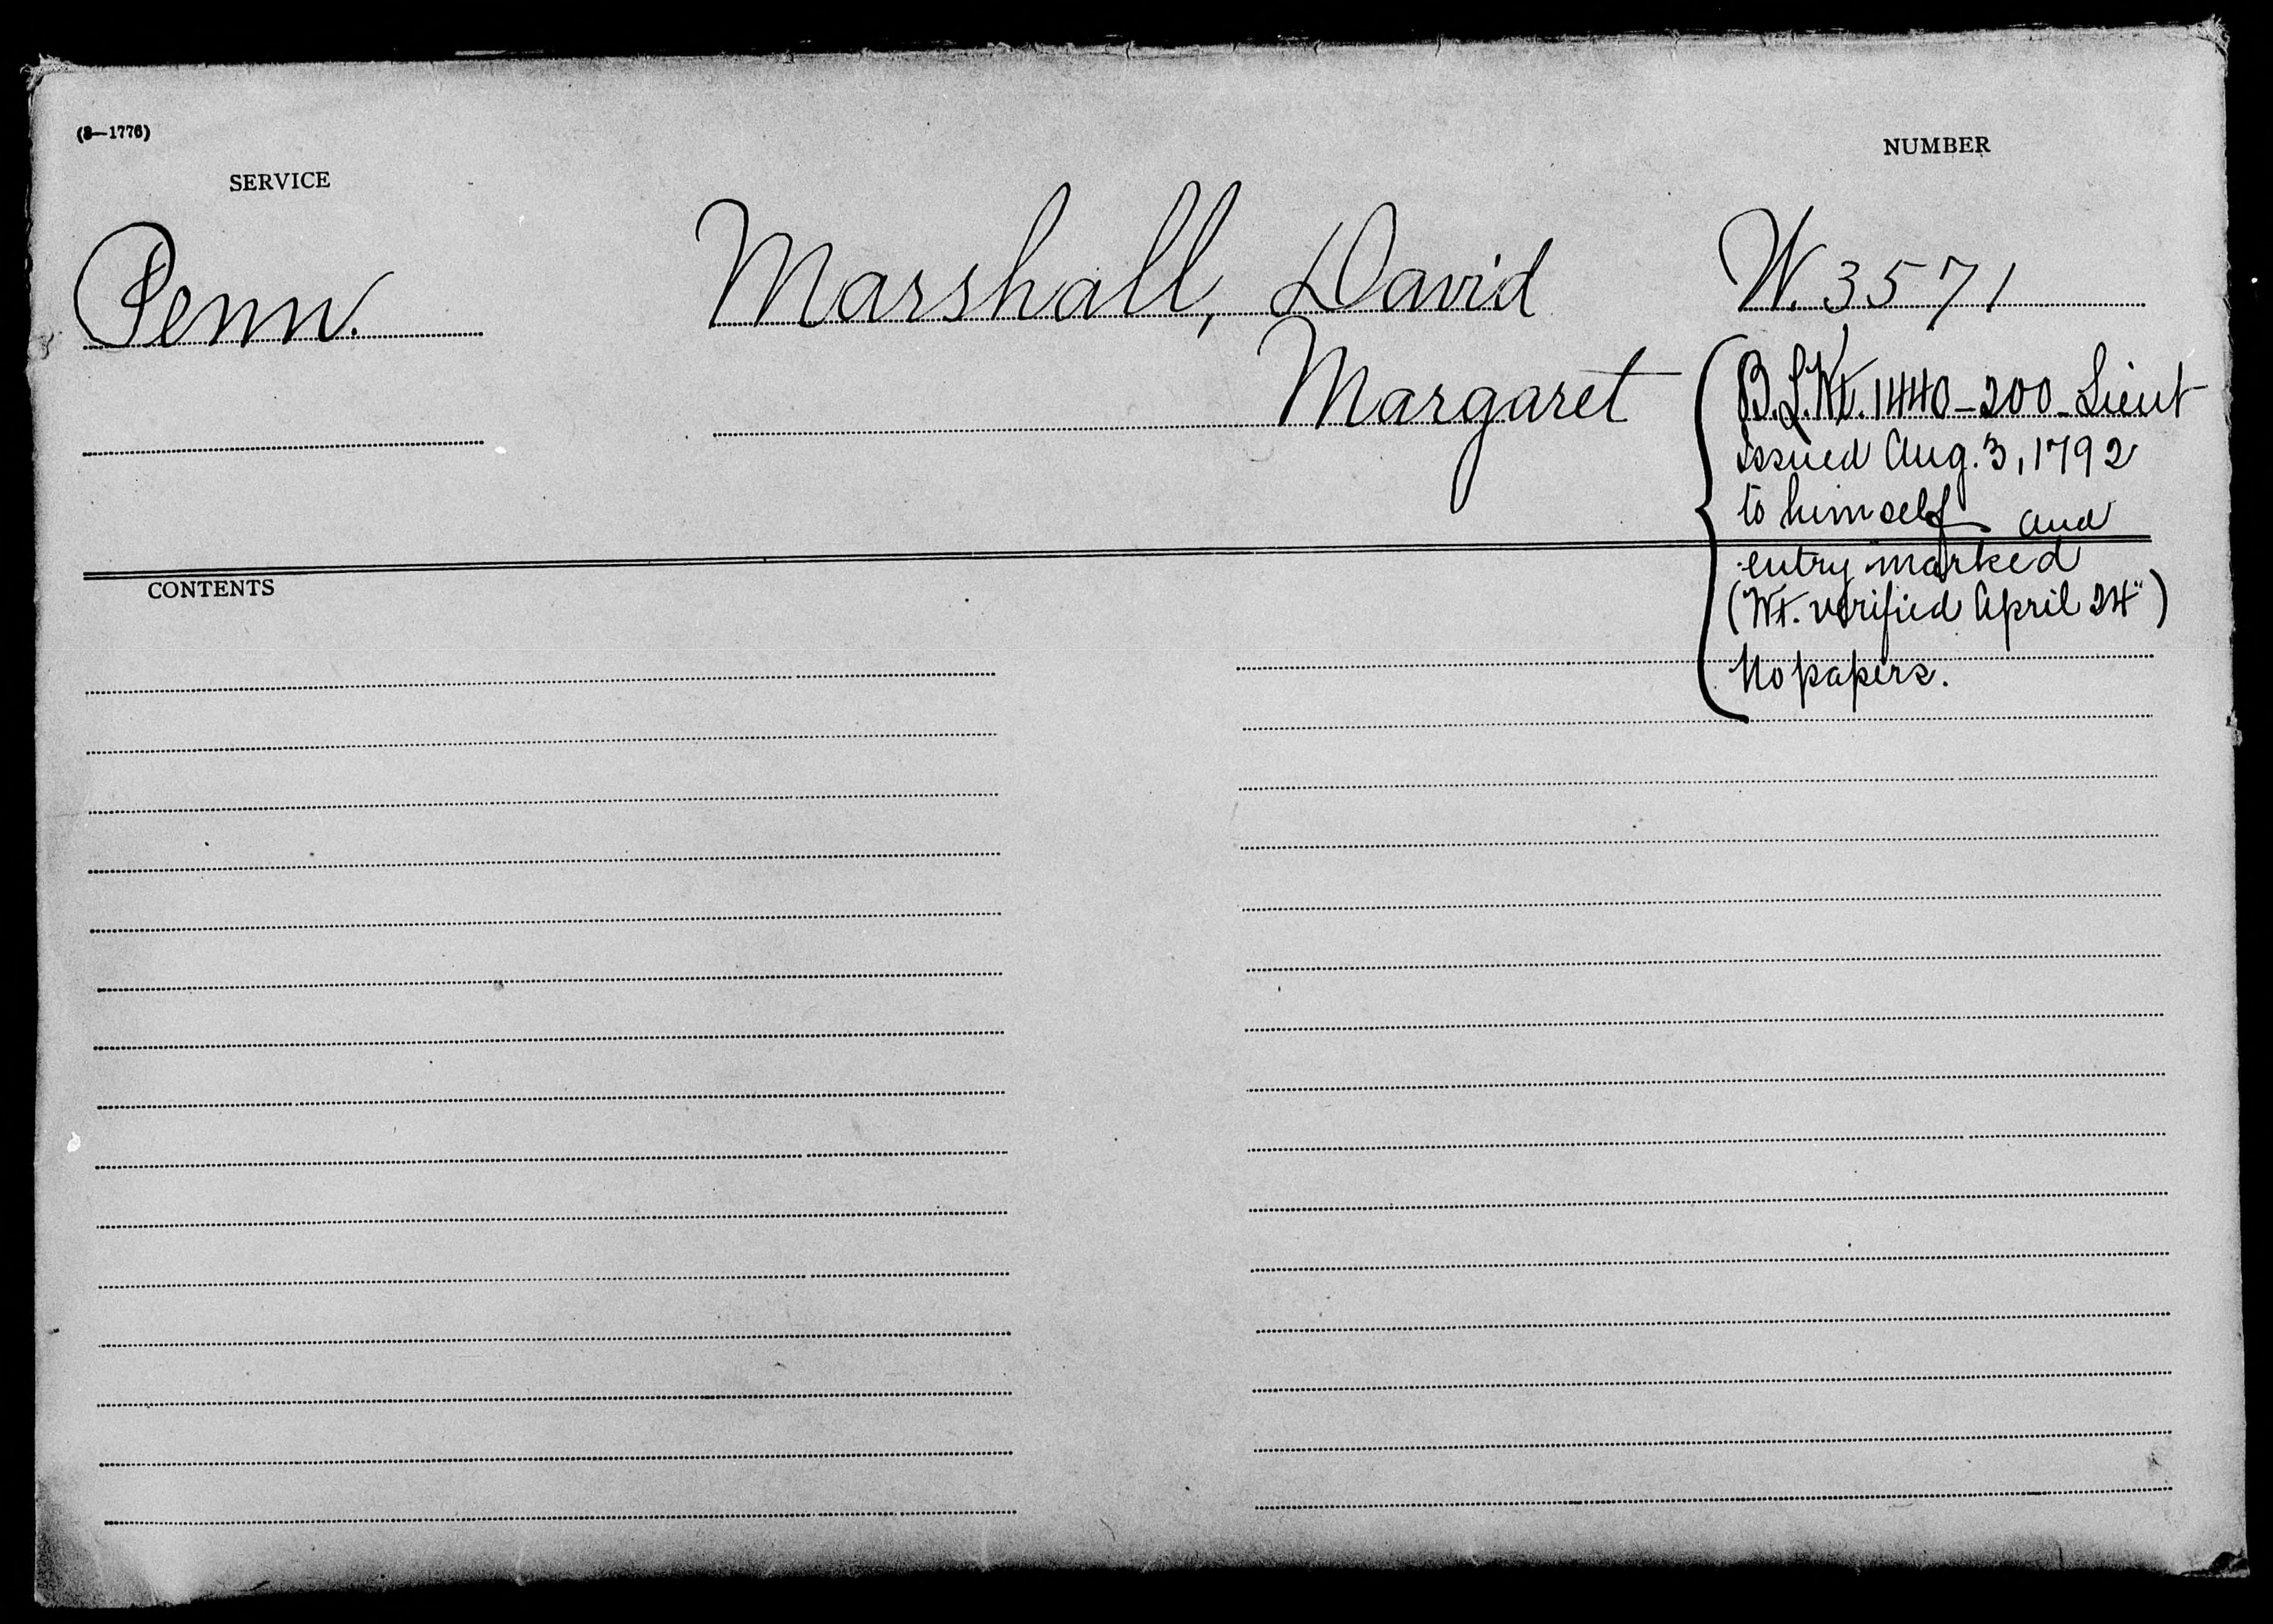Penn. Marshall, David W. 3571
Margaret {B.L.Wt. 1440_200_Lieut Issued Aug. 3, 1792 to himself and entry marked (Wt. verified April 24) No Papers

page: 1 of 86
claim: widow's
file: W. 3571, for David Marshall, Pennsylvania